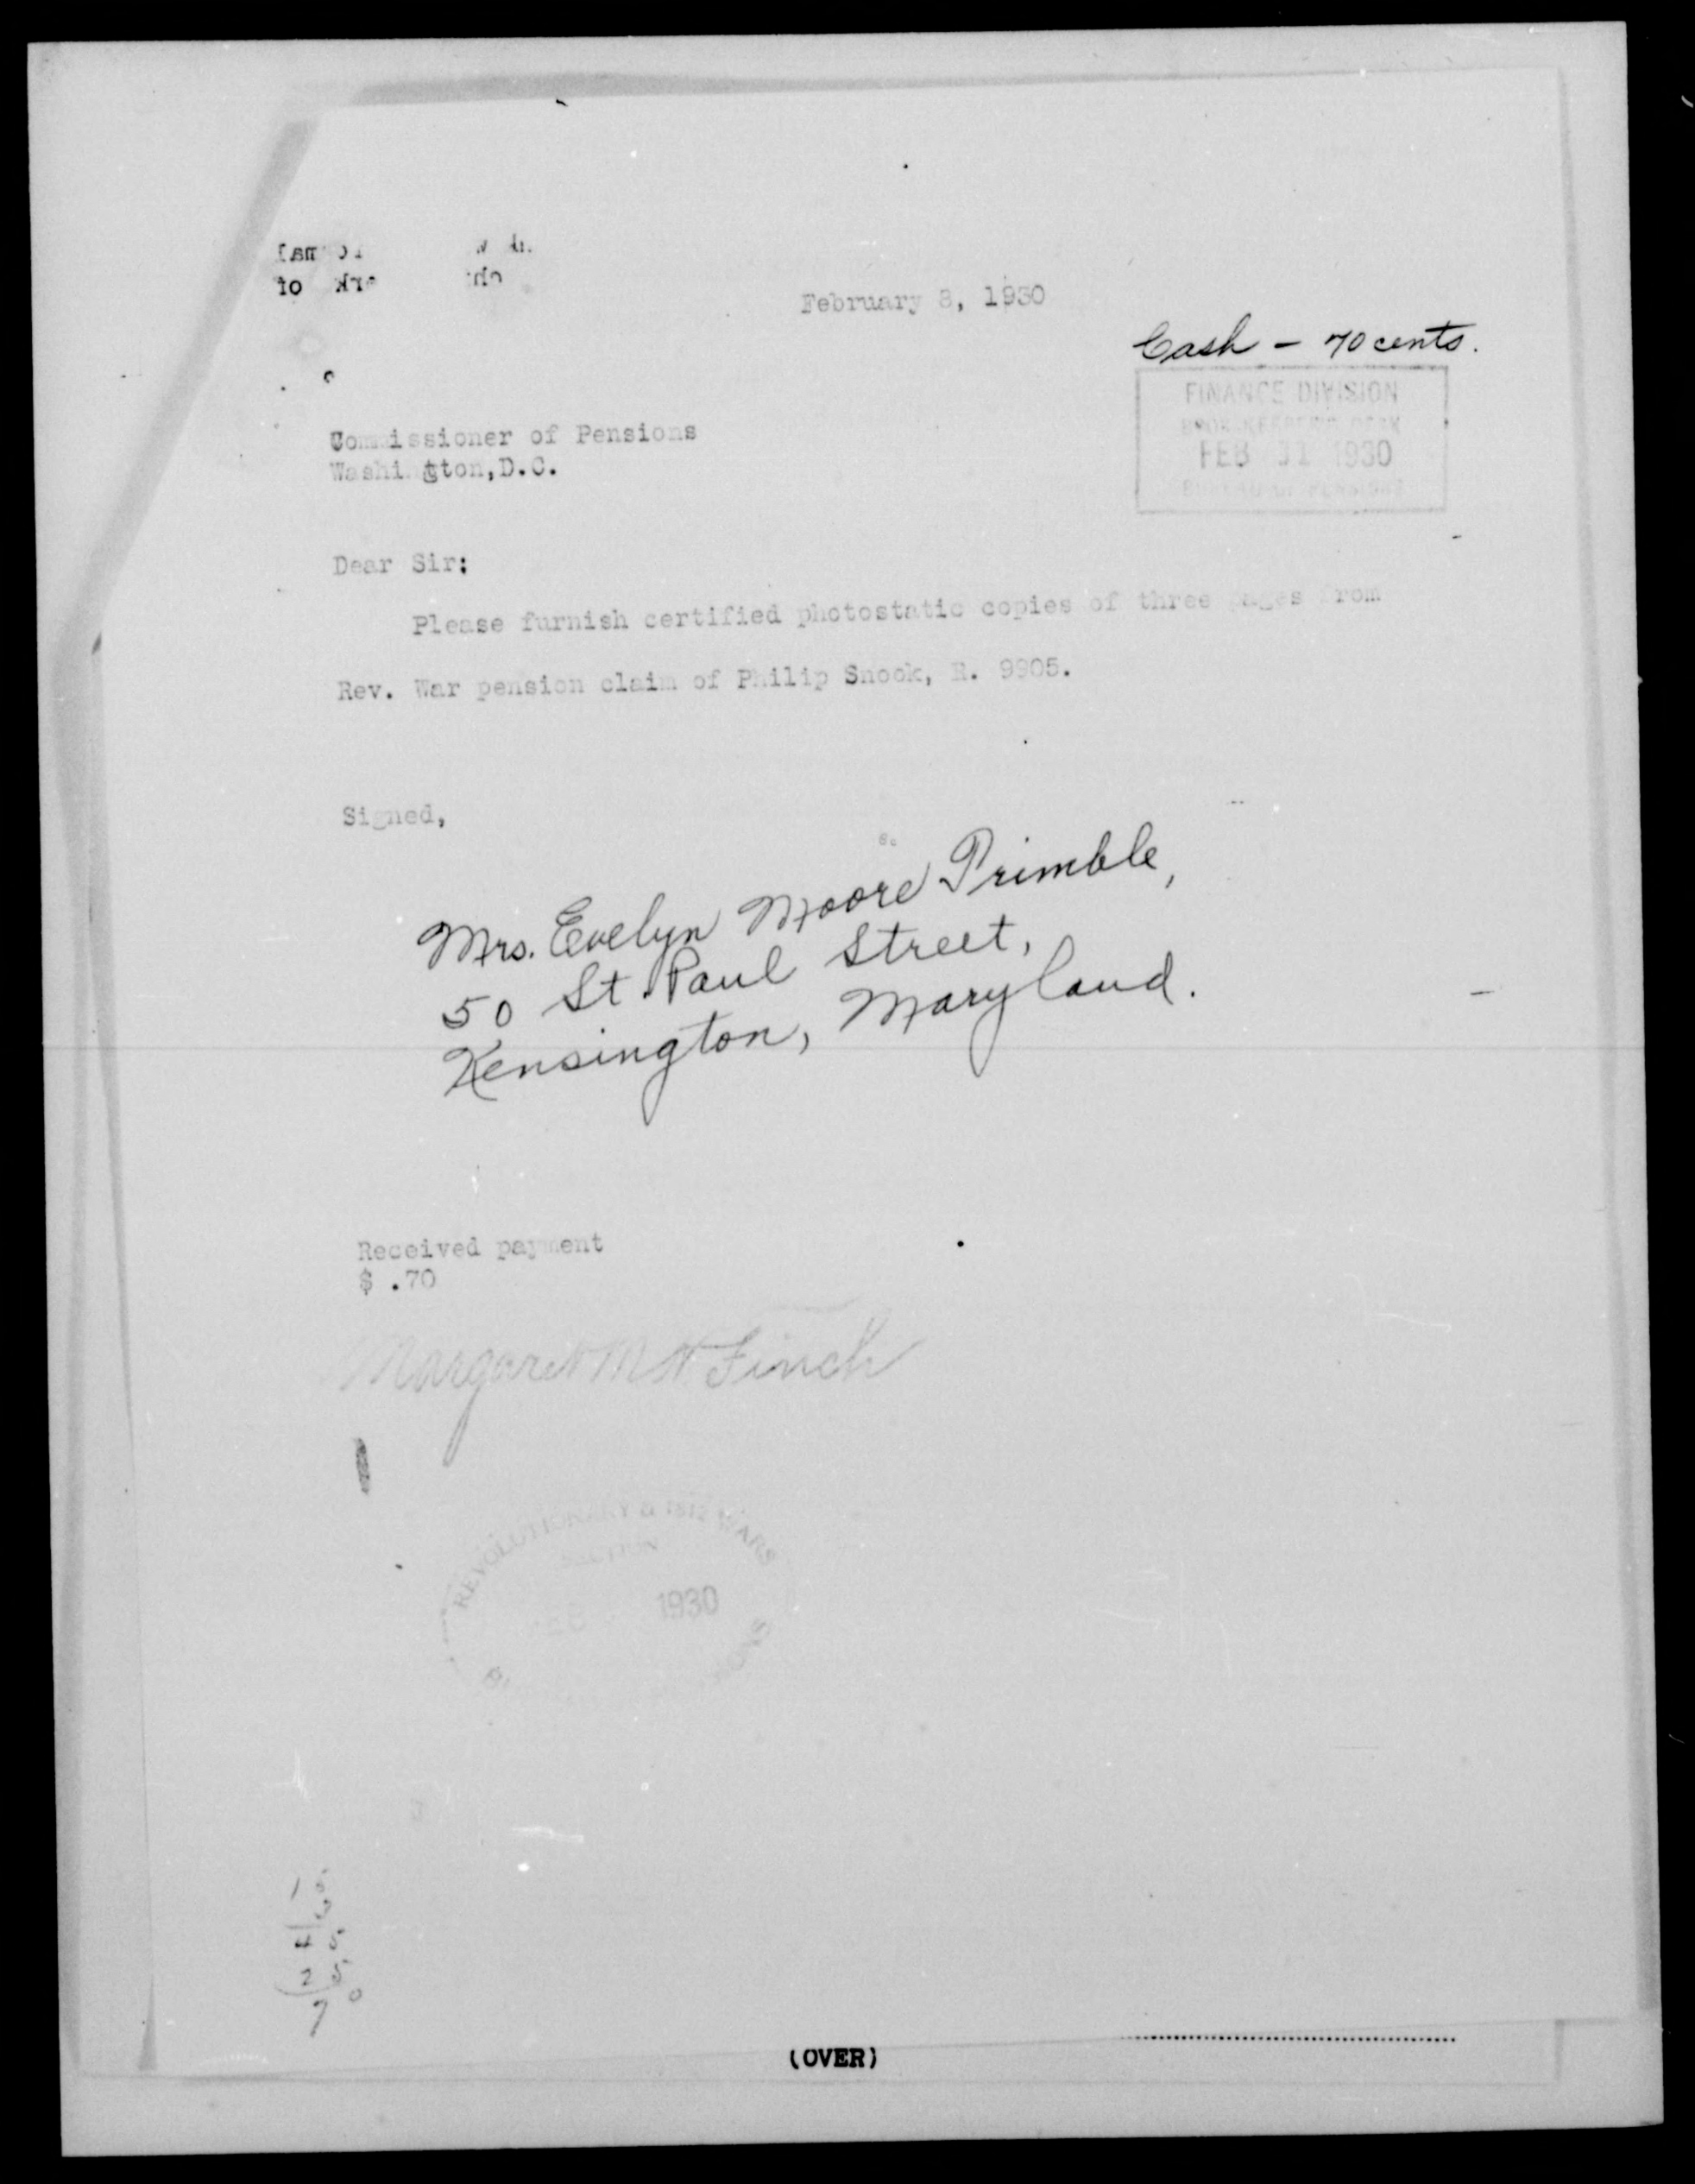February 2, 1930

Cash - 70 cents

[stamped] FINANCE DIVISION
FEB 11 1930

Commissioner of Pensions
Washington, D.C.

Dear Sir:

Please furnish certified photostatic copies of three pages of Rev. War pension claim of Phillip Snook, N. 9305

Signed,

Mrs. Evelyn Moore Trimble
50 St. Paul Street
Kensington, Maryland

Received payment
$.70

Margaret M Finch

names: Evelyn Moore Trimble; Margaret M Finch; Philip Snook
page: 9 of 15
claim: rejected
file: R. 9,905, for Philip Snook, New Jersey